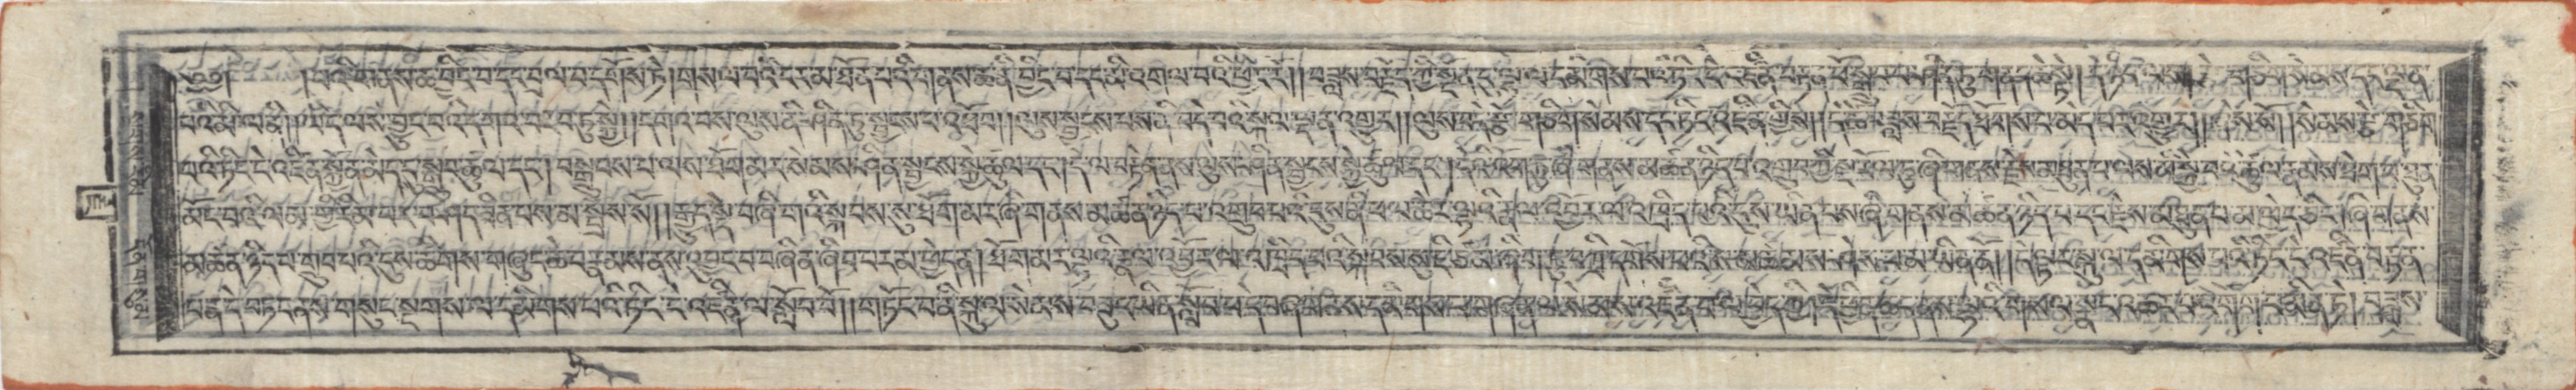༄༅། །པའི་གནས་ཆ་བྱིང་བ་དང་བྲལ་བ་དགོས་ཏེ། གསལ་བའི་ངར་མ་ཐོན་པའི་གནས་ཆ་ནི་བྱིང་བ་དང་མི་འགལ་བའི་ཕྱིར་རོ། །བཟླས་བརྗོད་ཀྱི་སྔོན་དུ་ལྷ་ལ་དམིགས་པའི་ཏིང་ངེ་འཛིན་བརྟན་པོ་སྒྲུབ་པ་ཤིན་ཏུ་གནད་ཆེ་སྟེ། དེ་ཉིད་ལས། རྩེ་གཅིག་སེམས་དང་ལྡན་
པའི་མི་ལ་ནི། །ཡིད་ལས་བྱུང་བའི་དགའ་བ་རབ་ཏུ་སྐྱེ། །དགའ་བས་ལུས་ནི་ཤིན་ཏུ་སྦྱངས་པ་འཐོབ། །ལུས་སྦྱངས་པས་ནི་བདེ་བའི་སྐལ་ལྡན་འགྱུར། །ལུས་བདེ་རྩེ་གཅིག་སེམས་དང་ཏིང་འཛིན་གྱིས། །དེ་ཚེ་བཟླས་བརྗོད་ཐོགས་པ་མེད་པར་འགྱུར། །ཞེས་སོ། །སེམས་རྩེ་གཅིག་
པའི་ཏིང་ངེ་འཛིན་སྐྱོན་མེད་དུ་སྒྲུབ་ཚུལ་དང་། བསྒྲུབ་པ་ལས་ཐོག་མར་སེམས་ཤིན་སྦྱངས་སྐྱེ་ཚུལ་དང་། དེ་ལ་བརྟེན་ནས་ལུས་ཤིན་སྦྱངས་སྐྱེ་ཚུལ་དང་། དེའི་འོག་ཏུ་ཞི་གནས་མཚན་ཉིད་པ་འགྲུབ་ཀྱི་སྔ་རོལ་ཏུ་ཞི་གནས་རྗེས་མཐུན་པ་ལས་མི་སྐྱེ་བའི་ཚུལ་རྣམས་ཐེག་པ་ཐུན་
མོང་བའི་ལམ་གྱི་རིམ་པར་བཤད་ཟིན་པས་མ་སྤྲོས་སོ། །རྒྱུད་སྡེ་བཞི་གའི་སྐབས་སུ་ཐོག་མར་ཞི་གནས་མཚན་ཉིད་པ་འགྲུབ་པའི་དུས་ནི་ཕལ་ཆེར་ལྷའི་རྣལ་འབྱོར་ལ་འཁྲིད་པའི་དུས་ཡིན་པས་ཞི་གནས་མཚན་ཉིད་པ་དང་རྗེས་མཐུན་པ་མ་ཕྱེད་ཅིང་། ཞི་གནས་
མཚན་ཉིད་པ་གྲུབ་པའི་དུས་ཚིགས་གཞུང་ཆེ་བ་རྣམས་ནས་འབྱུང་བ་བཞིན་ཞིབ་པར་མ་ཕྱེད་ན། ཐོག་མར་ལྷའི་རྣལ་འབྱོར་ལ་འཁྲིད་པའི་སྐབས་སུ་ཇི་ཙམ་ཞིག་ཏུ་བཀྲི་དགོས་པའི་ས་མཚམས་ཤེས་པ་མ་ཡིན་ནོ། །དེ་ལྟར་སྐུ་ལ་དམིགས་པའི་ཏིང་ངེ་འཛིན་བརྟན་
པ་ན་དེ་བཏང་ནས་གསུང་སྔགས་ལ་དམིགས་པའི་ཏིང་ངེ་འཛིན་ལ་སློབ་བོ། །གཏོང་བ་ནི་སྐུ་ལ་སེམས་བཟུང་ཡིན་སློབ་པ་དེ་བཞག་ནས་དམིགས་པ་གཞན་ལ་སེམས་འཛིན་པ་ལ་བྱེད་ཀྱི། དེ་ཕྱིན་ཆད་ནས་ལྷའི་གསལ་སྣང་འཆར་བ་འགོག་པ་མིན་ཏེ། བཟླས་